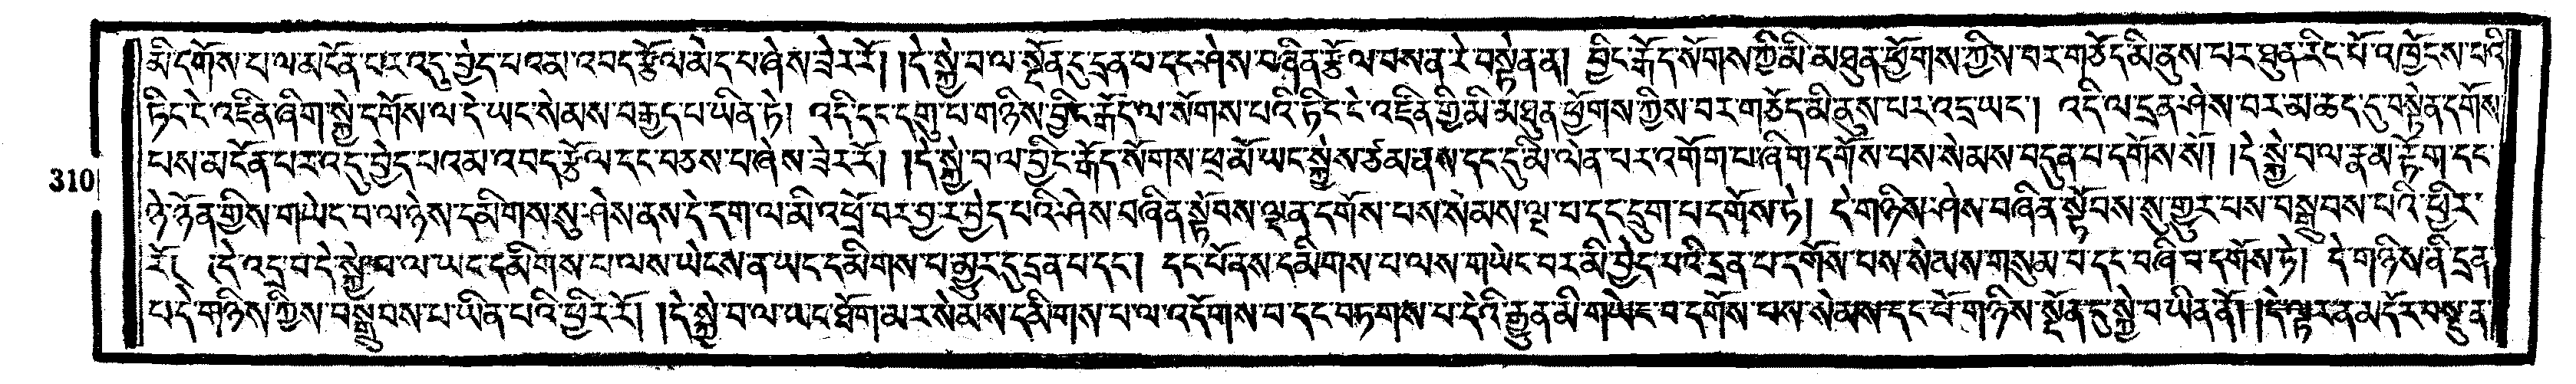མི་དགོས་པ་ལ་མངོན་པར་འདུ་བྱེད་པའམ་འབད་རྩོལ་མེད་པ་ཞེས་ཟེར་རོ། །དེ་སྐྱེ་བ་ལ་སྔོན་དུ་དྲན་པ་དང་ཤེས་བཞིན་རྩོལ་བས་ན་རེ་བསྟེན་ན། བྱིང་རྒོད་སོགས་ཀྱི་མི་མཐུན་ཕྱོགས་ཀྱིས་བར་གཅོད་མི་ནུས་པར་ཐུན་རིང་པོ་འཁྱོངས་པའི་
ཏིང་ངེ་འཛིན་ཞིག་སྐྱེ་དགོས་ལ་དེ་ཡང་སེམས་བརྒྱད་པ་ཡིན་ཏེ། འདི་དང་དགུ་པ་གཉིས་བྱིང་རྒོད་ལ་སོགས་པའི་ཏིང་ངེ་འཛིན་གྱི་མི་མཐུན་ཕྱོགས་ཀྱིས་བར་གཅོད་མི་ནུས་པར་འདྲ་ཡང་། འདི་ལ་དྲན་ཤེས་བར་མ་ཆད་དུ་བསྟེན་དགོས་
པས་མངོན་པར་འདུ་བྱེད་པའམ་འབད་རྩོལ་དང་བཅས་པ་ཞེས་ཟེར་རོ། །དེ་སྐྱེ་བ་ལ་བྱིང་རྒོད་སོགས་ཕྲ་མོ་ཡང་སྐྱེས་ཙམ་ནས་དང་དུ་མི་ལེན་པར་འགོག་པ་ཞིག་དགོས་པས་སེམས་བདུན་པ་དགོས་སོ། །དེ་སྐྱེ་བ་ལ་རྣམ་རྟོག་དང་
ཉེ་ཉོན་གྱིས་གཡེང་བ་ལ་ཉེས་དམིགས་སུ་ཤེས་ནས་དེ་དག་ལ་མི་འཕྲོ་བར་བྱ་ར་བྱེད་པའི་ཤེས་བཞིན་སྟོབས་ལྡན་དགོས་པས་སེམས་ལྔ་པ་དང་དྲུག་པ་དགོས་ཏེ། དེ་གཉིས་ཤེས་བཞིན་སྟོབས་སུ་གྱུར་པས་བསྒྲུབས་པའི་ཕྱིར་
རོ༑ ༑དེ་འདྲ་བ་དེ་སྐྱེ་བ་ལ་ཡང་དམིགས་པ་ལས་ཡེངས་ན་ཡང་དམིགས་པ་མྱུར་དུ་དྲན་པ་དང་། དང་པོ་ནས་དམིགས་པ་ལས་གཡེང་བར་མི་བྱེད་པའི་དྲན་པ་དགོས་པས་སེམས་གསུམ་པ་དང་བཞི་བ་དགོས་ཏེ། དེ་གཉིས་ནི་དྲན་
པ་དེ་གཉིས་ཀྱིས་བསྒྲུབས་པ་ཡིན་པའི་ཕྱིར་རོ། །དེ་སྐྱེ་བ་ལ་ཡང་ཐོག་མར་སེམས་དམིགས་པ་ལ་འདོགས་པ་དང་བཏགས་པ་དེའི་རྒྱུན་མི་གཡེང་བ་དགོས་པས་སེམས་དང་པོ་གཉིས་སྔོན་དུ་སྐྱེ་བ་ཡིན་ནོ། །དེ་ལྟར་ན་མདོར་བསྡུ་ན་